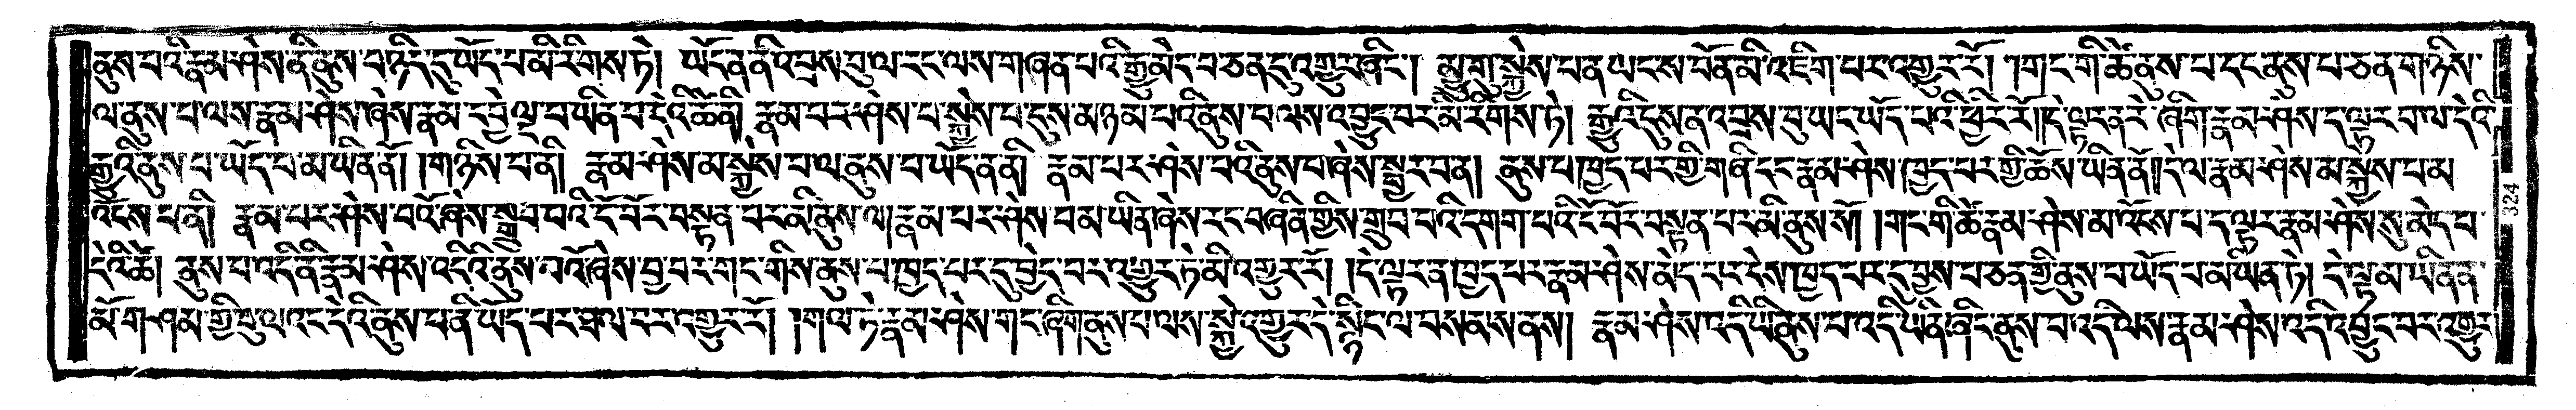ནུས་པའི་རྣམ་ཤེས་ནི་ནུས་པ་ཉིད་དུ་ཡོད་པ་མི་རིགས་ཏེ། ཡོད་ན་ནི་འབྲས་བུ་ལ་རང་ལས་གཞན་པའི་རྒྱུ་མེད་པ་ཅན་དུ་འགྱུར་ཞིང་། མྱུ་གུ་སྐྱེས་པ་ན་ཡང་ས་བོན་མི་འཇིག་པར་འགྱུར་རོ། །གང་གི་ཚེ་ནུས་པ་དང་ནུས་པ་ཅན་གཉིས་
ལ་ནུས་པ་ལས་རྣམ་ཤེས་ཞེས་རྣམ་དབྱེ་ལྔ་པ་ཡིན་པ་དེའི་ཚེ་ནི། རྣམ་པར་ཤེས་པ་སྐྱེས་པ་དུས་མཉམ་པའི་ནུས་པ་ལས་འབྱུང་བར་མི་རིགས་ཏེ། རྒྱུའི་དུས་ན་འབྲས་བུ་ཡང་ཡོད་པའི་ཕྱིར་རོ། །དེ་ལྟར་ན་རེ་ཞིག་རྣམ་ཤེས་ད་ལྟར་བ་ལ་དེའི་
རྒྱུའི་ནུས་པ་ཡོད་པ་མ་ཡིན་ནོ། །གཉིས་པ་ནི། རྣམ་ཤེས་མ་སྐྱེས་པ་ལ་ནུས་པ་ཡོད་ན་ནི། རྣམ་པར་ཤེས་པའི་ནུས་པ་ཞེས་སྦྱར་བ་ན། ནུས་པ་ཁྱད་པར་གྱི་གཞི་དང་རྣམ་ཤེས་ཁྱད་པར་གྱི་ཆོས་ཡིན་ནོ། །དེ་ལ་རྣམ་ཤེས་མ་སྐྱེས་པ་མ་
འོངས་པ་ནི། རྣམ་པར་ཤེས་པའོ་ཞེས་སྒྲུབ་པའི་ངོ་བོར་བསྟན་པར་མི་ནུས་ལ། རྣམ་པར་ཤེས་པ་མ་ཡིན་ཞེས་རང་བཞིན་གྱིས་གྲུབ་པའི་དགག་པའི་ངོ་བོར་བསྟན་པར་མི་ནུས་སོ། །གང་གི་ཚེ་རྣམ་ཤེས་མ་འོངས་པ་ད་ལྟར་རྣམ་ཤེས་སུ་མེད་པ་
དེའི་ཚེ། ནུས་པ་འདི་ནི་རྣམ་ཤེས་འདིའི་ནུས་པའོ་ཞེས་བྱ་བར་གང་གིས་ནུས་པ་ཁྱད་པར་དུ་བྱེད་པར་འགྱུར་ཏེ་མི་འགྱུར་རོ། །དེ་ལྟར་ན་ཁྱད་པར་རྣམ་ཤེས་མེད་པར་དེས་ཁྱད་པར་དུ་བྱས་པ་ཅན་གྱི་ནུས་པ་ཡོད་པ་མ་ཡིན་ཏེ། དེ་ལྟ་མ་ཡིན་ན་
མོ་གཤམ་གྱི་བུ་ལའང་དེའི་ནུས་པ་ནི་ཡོད་པར་ཐལ་བར་འགྱུར་རོ། །གལ་ཏེ་རྣམ་ཤེས་གང་ཞིག་ནུས་པ་ལས་སྐྱེ་འགྱུར་དེ་སྙིང་ལ་བསམས་ནས། རྣམ་ཤེས་འདི་ཡི་ནུས་པ་འདི་ཡིན་ཞིང་ནུས་པ་འདི་ལས་རྣམ་ཤེས་འདི་འབྱུང་བར་འགྱུར་